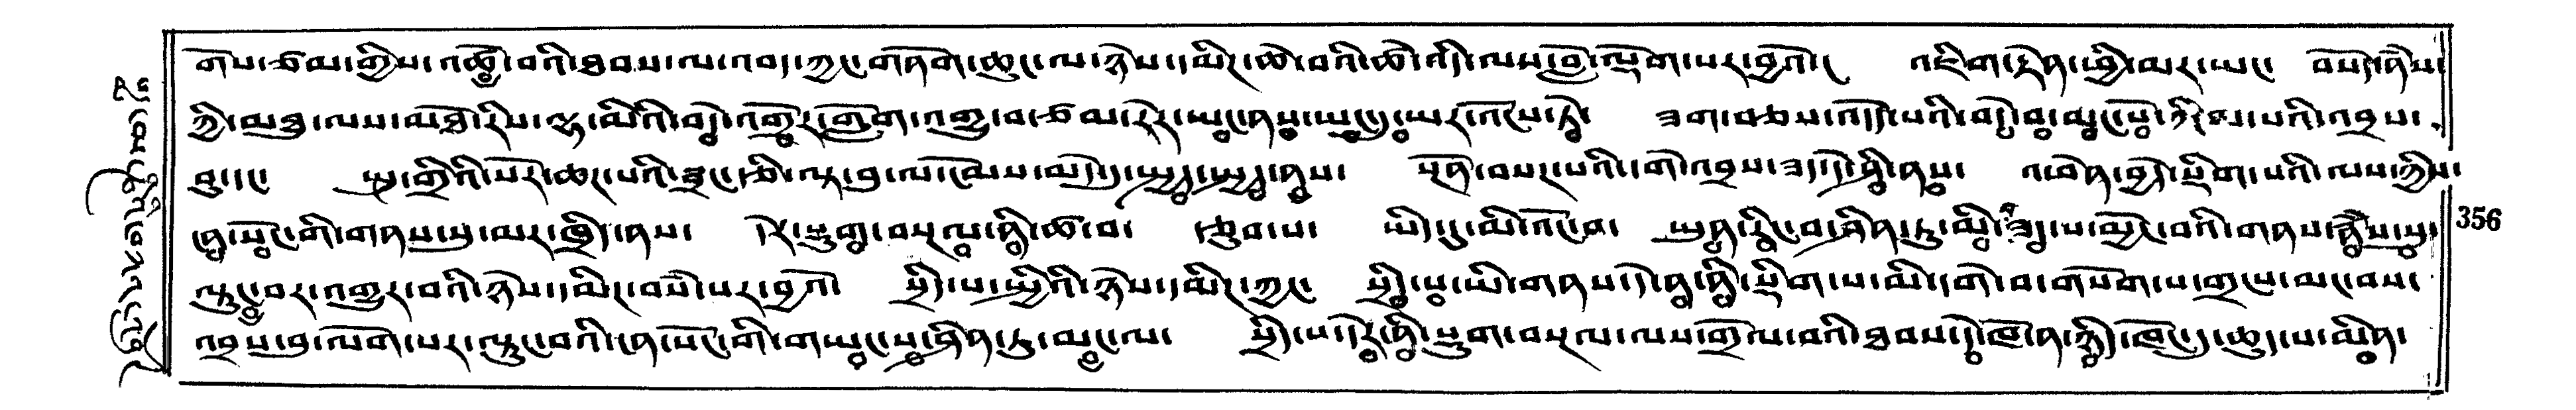གོས་ཙམ་གྱིས་འཚོ་བའི་ཐབས་ལ་འབད་ཀྱང་གནོག་ཆུང་ལ་ཉེས་དམིགས་ཆེ་བའི་ཚེ་འདི་ལ་བློ་ལྡོག་པར་བྱའོ།། འཇིག་རྟེན་ཕྱི་མར་ཡང་། བསོད་ནམས་
ཀྱི་མཐུ་ལས་མཐོ་རིས་ལྷ་མིའི་བདེ་འགྲོར་གློག་འགྱུ་བ་ཙམ་རེར་ཡང་ནས་ཡང་དུ་ཡར་འོང་སྟེ། ཟག་བཅས་འདོད་པའི་བདེ་བ་མང་པོ་ཀིམ་པའི་འབྲས་
བུ་དང་། སྤུ་གྲིའི་སོར་ཆགས་པའི་སྦྲང་རྩི་ལྟ་བུ་ལ་ངོམས་མེད་དུ་སྤྱད་སྤྱད་ནས། སྔོན་བསགས་པའི་དགེ་འབྲས་ཟད་དེ་ཤི་ནས། འཕེན་བྱེད་སྡིག་པའི་ལས་ཀྱིས་
ངན་སོང་གི་གནས་སུ་མར་ཁྲིད་ནས། དེར་སྡུག་བསྔལ་ནི་ཚ་བ་རྩུབ་པ། ཡིད་དུ་མི་འོང་བ། ཡུན་རིང་བ་ཤིན་ཏུ་མི་བཟད་པ་མྱོང་བའི་གནས་རྣམས་སུ་
ལྟུང་བར་འགྱུར་བའི་ཉེས་དམིགས་བསམ་པར་བྱའོ།། སྲིད་པ་སྤྱིའི་ཉེས་དམིགས་ཀྱང་། སྲིད་པ་ཡི་གནས་དེ་ན་ནི་སྡིག་པ་མི་དགེ་བ་གསོག་པ་གྲངས་མང་བས་
འབྲས་བུ་ལོག་པར་ལྟུང་བའི་ངན་སོང་གི་གཡང་ས་ཤིན་ཏུ་མང་ལ། སྲིད་པ་དེར་ནི་སྡུག་བསྔལ་ལས་གྲོལ་བའི་ཐབས་དེ་ཁོ་ན་ཉིད་ཁོང་དུ་ཆུད་པ་མིན་